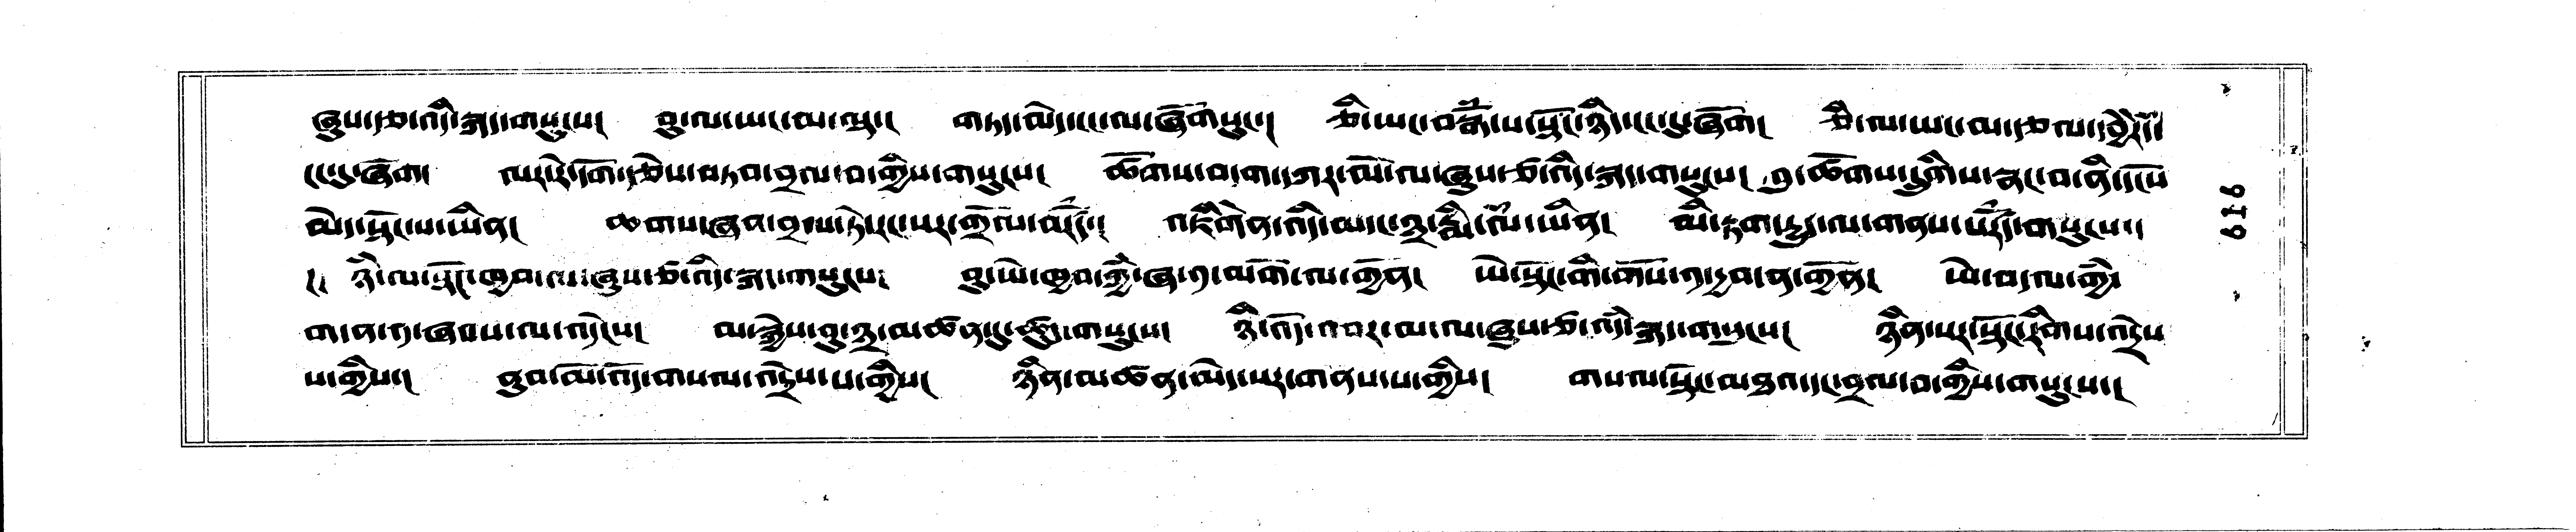ཞུས་ཙ་འདི་སྐད་གསུངས། བུ་ཅི་ལ་ཡང་མ་ལྟ་གཏད་མེད་ངང་དུ་ཞོགས། ཅི་ཡང་མ་སྒོམས་སྟོང་ཉིད་ངང་དུ་ཞོགས། ཅི་ལ་མ་བརྩལ་བྱར་མེད་
ངང་དུ་ཞོགས། ལར་རེ་དོག་རྩིས་བརྡབ་བྲལ་བ་གྱིས་གསུངས། ཚོགས་བདག་དཀར་མོ་ལ་ཞུས་ཙ་འདི་སྐད་གསུངས། བུ་ཚོགས་དྲུག་གིས་སྣང་བ་ནི་དངོས་
མེད་སྟོང་པ་ཡིན། ཆགས་ཞན་བྲལ་སྟེ་རང་སར་གྲོལ་བར་མཛོད་གསུངས། འཇིག་རྟེན་འདི་མདང་གསུམ་རྨི་ལམ་ཡིན། མི་རྟག་རྒྱུད་ལ་གནས་པར་མཛོད། 
ཉི་མ་སྟོང་ཁྱབ་ལ་ཞུས་ཙ་འདི་སྐད་གསུངས། བུ་ཡེ་ཁྱབ་ཀྱིས་ཞ་གཅིག་མགོ་ལ་གྱོན། ཡེ་སྟོང་གི་གོས་གཅིག་རྒྱབ་ཏུ་གྱོན། ཡེ་བདལ་གྱི་
སྟེན་༼སྟན༽གཅིག་ཞུབས་སུ་བཏིང་། མ་སྐྱེས་ཀྱི་བུ་གསུམ་མཆན་དུ་ཆུད་གསུངས། ཉི་འོད་འབར་མས་འདི་སྐད་གསུངས། ཉིན་པར་སྟོང་རིག་འདྲེས་
པར་གྱིས། ནུབ་མོ་འོད་གསལ་འདྲེས་པར་གྱིས། ཉིན་མཚན་མེད་པར་གནས་པར་གྱིས། གསལ་སྟོང་མཐའ་དང་བྲལ་བ་གྱིས་གསུངས།